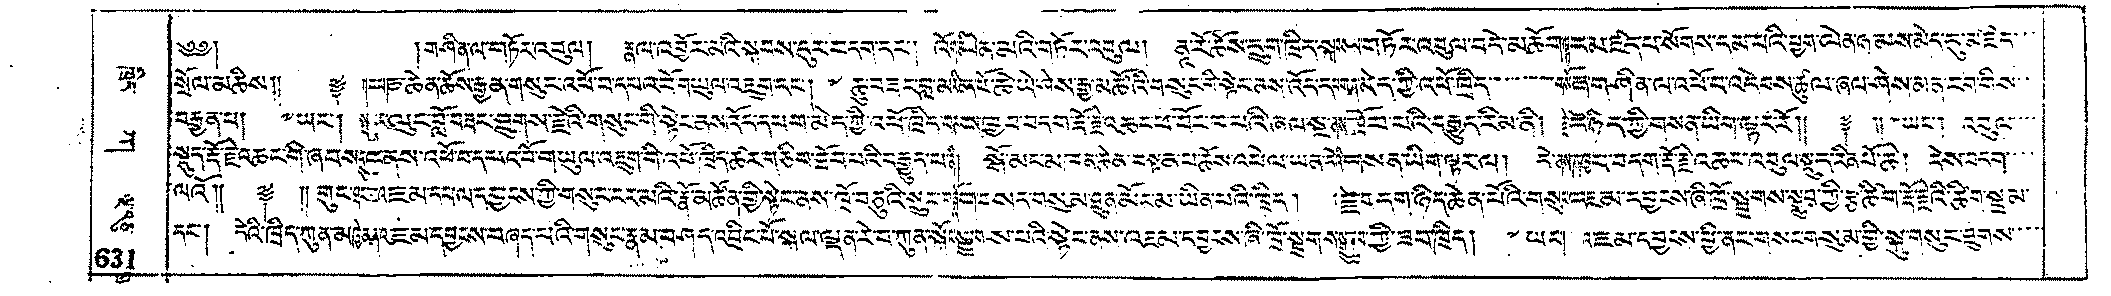༄༅། །གཤིན་ལ་གཏོར་འབུལ། རྣལ་འབྱོར་མའི་སྐབས་དུར་བདག་དང་། འོག་མིན་མའི་གཏོར་འབུལ། ནཱ་རོ་ཆོས་དྲུག་ཁྲིད་སྐབས་གཏོར་འབུལ་བདེ་མཆོག་ལྟར་མཛད་པ་སོགས་དམ་པའི་ཕྱག་ལེན་ཉམས་མེད་དུ་མཛད་
སྲོལ་མཆིས།། འ་།།པཎ་ཆེན་ཆོས་རྒྱན་གསུང་འཕོ་བ་དཔའ་བོ་གཡུལ་འཇུག་དང་། ༧་ཆུ་བཟང་བླ་མ་རིན་པོ་ཆེ་ཡེ་ཤེས་རྒྱ་མཚོའི་གསུང་གི་སྟེང་ནས་འོད་དཔག་མེད་ཀྱི་འཕོ་ཁྲིདགྶོན་གཤིན་ལ་འཕོ་བ་འདེབས་ཚུལ་ཞལ་ཤེས་མན་ངག་གིས་
བརྒྱན་པ། ༧ཡང་། སྤང་ལུང་བློ་བཟང་ཐུགས་རྗེའི་གསུང་གི་སྟེང་ནས་འོད་དཔག་མེད་ཀྱི་འཕོ་ཁྲིད་བཅས་ཁྱབ་བདག་རྡོ་རྗེ་འཆང་ཕ་བོང་ཁ་པའི་ཞལ་སྔ་ནས་ཐོབ་པའི་བརྒྱུད་རིམ་ནི། རྗེ་དེ་ཉིད་ཀྱི་གསན་ཡིག་ལྟར་རོ།། འ་།།༧ཡང་། འབུལ་
སྡུད་རྡོ་རྗེ་འཆང་གི་ཞབས་དྲུང་ནས་འཕོ་བ་དཔའ་བོ་གཡུལ་འཇུག་གི་འཕོ་ཁྲིད་ཚར་གཅིག་ཐོབ་པའི་བརྒྱུད་པ་ནི། སྒོ་མང་མཁན་ཆེན་བསྟན་པ་ཆོས་འཕེ་ལ་ཡན་དེའི་གསན་ཡིག་ལྟར་ལ། དེ་ནས་ཁྱབ་བདག་རྡོ་རྗེ་འཆང་འབུལ་སྡུད་རིན་པོ་ཆེ། དེས་བདག་
ལའོ།། འ་།།གུང་ཐང་འཇམ་དཔལ་དབྱངས་ཀྱི་གསུང་ངར་མའི་རྣོ་མཚོན་གྱི་སྟེང་ནས་ཁྲོ་བཅུའི་སྲུང་བཟློག་བསད་གསུམ་ཐུན་མོང་མ་ཡིན་པའི་ཁྲིད། ༧་རྗེ་བདག་ཉིད་ཆེན་པོའི་གསུང་འཇམ་དབྱངས་ཞི་ཁྲོ་སྦྲགས་སྒྲུབ་ཀྱི་རྩ་ཚིག་རྡོ་རྗེའི་ཚིག་སྦྲམ་
དང་། དེའི་ཁྲིད་ཀུན་མཁྱེན་འཇམ་དབྱངས་བཞད་པའི་གསུང་རྣམ་བཤད་འབྲིང་པོ་སྐལ་ལྡན་རེ་བ་ཀུན་སྐོང་སྦྲགས་པའི་སྟེང་ནས་འཇམ་དབྱངས་ཞི་ཁྲོ་སྦྲགས་སྒྲུབ་གྱི་ཟབ་ཁྲིད། ༧ཡང་། འཇམ་དབྱངས་ཕྱི་ནང་གསང་གསུམ་གྱི་སྐུ་གསུང་ཐུགས་